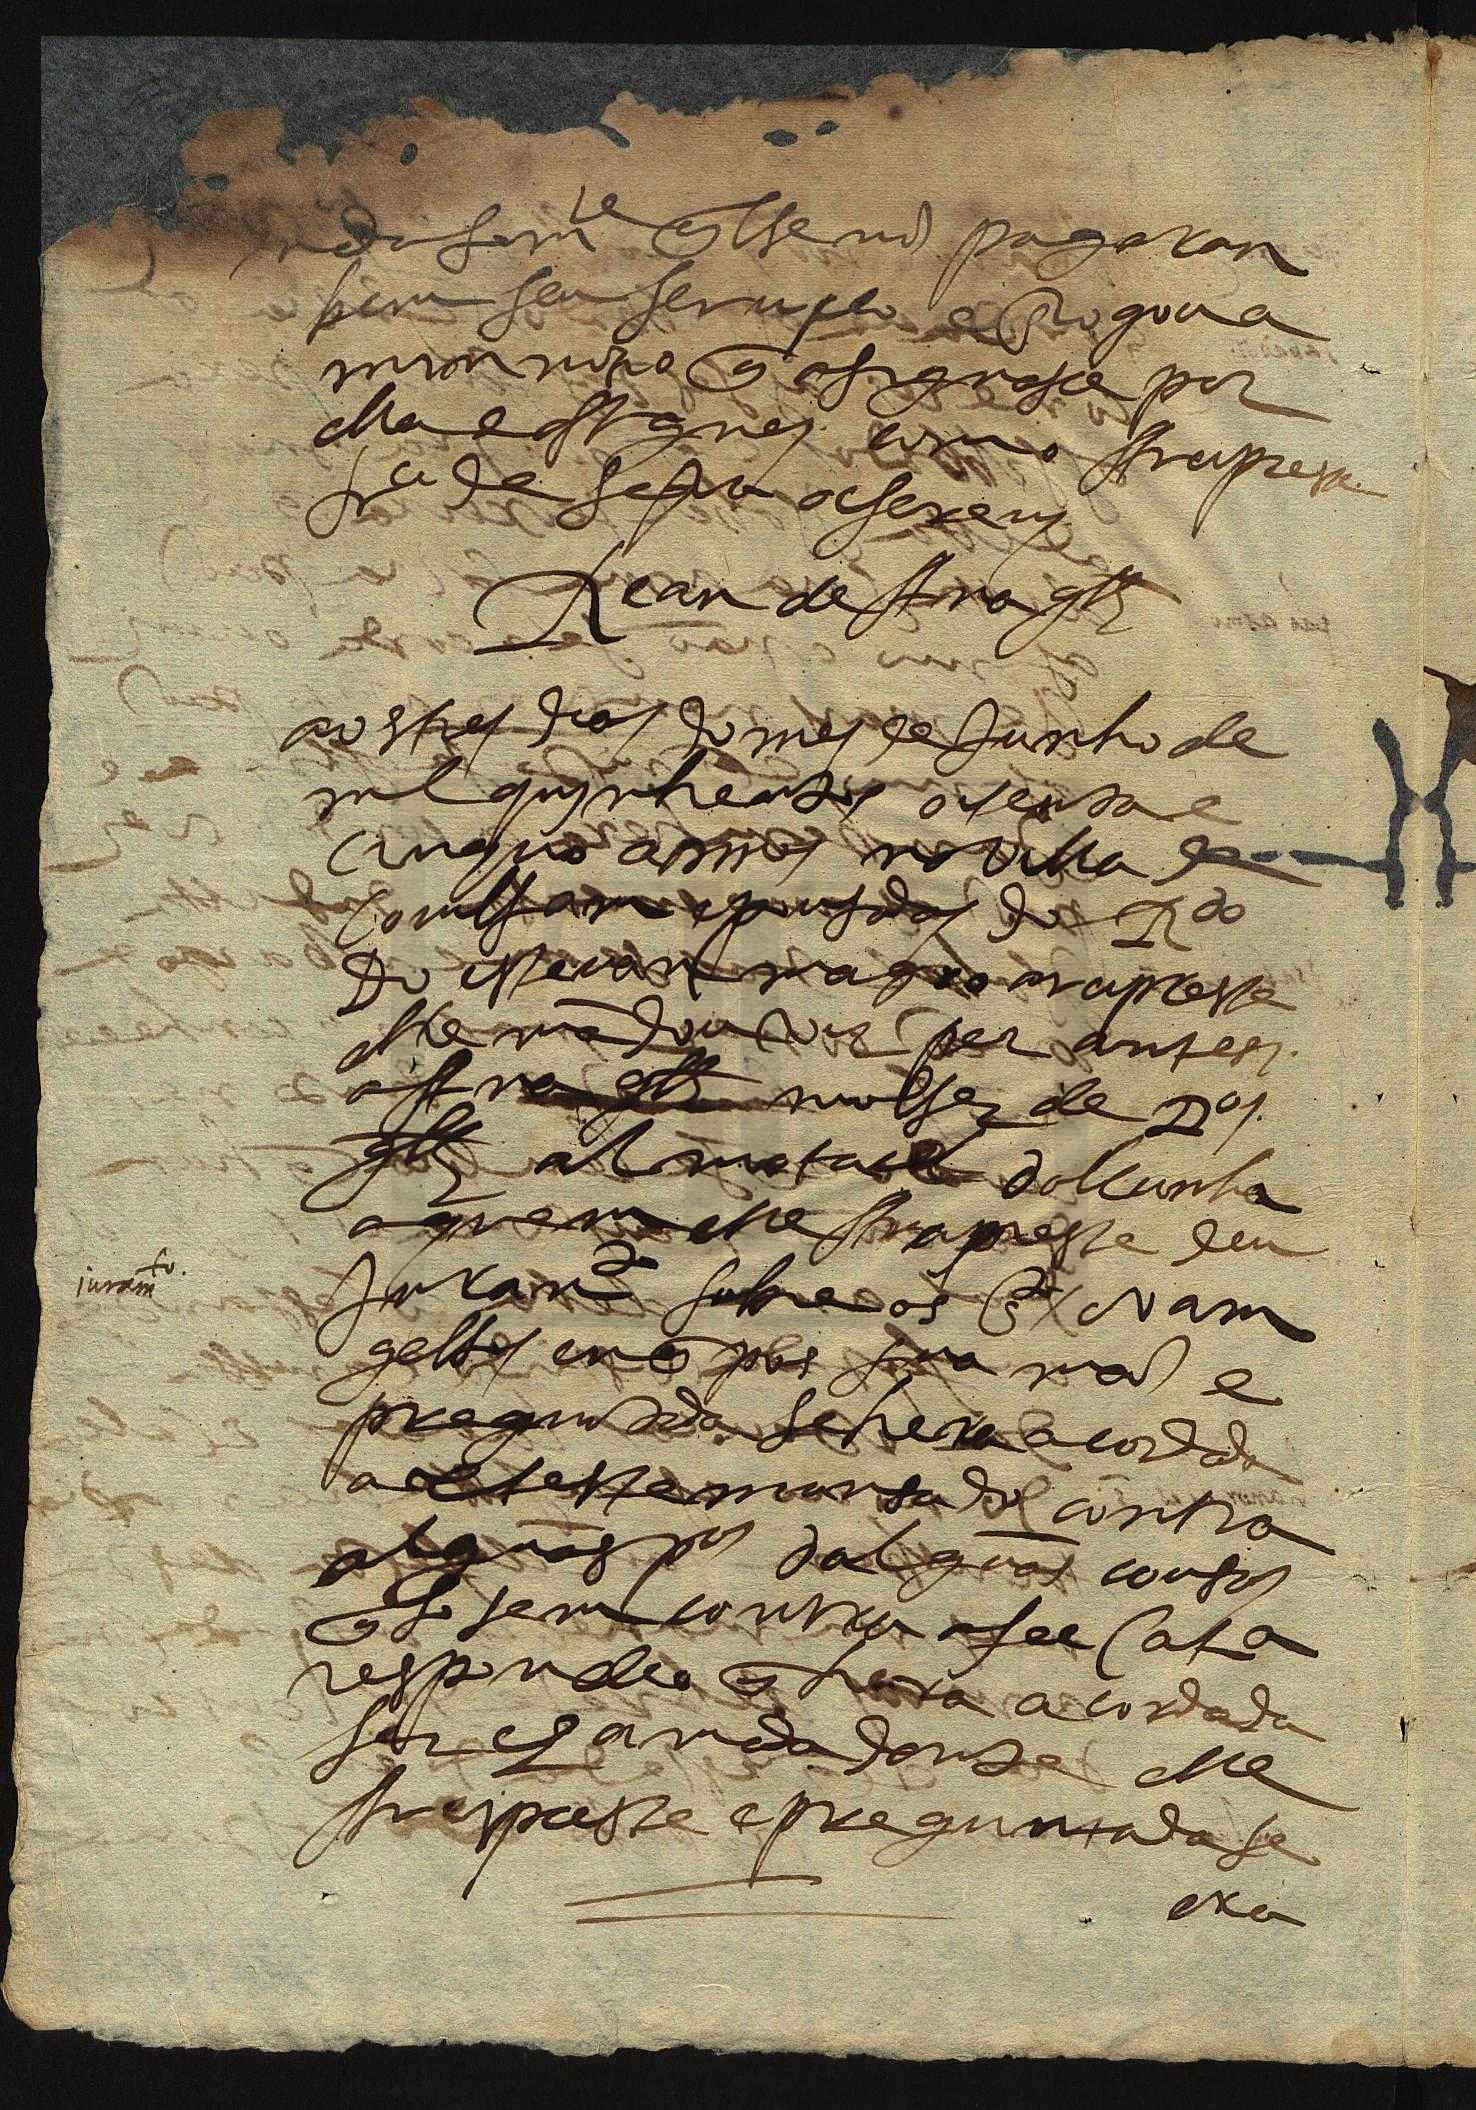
iuramto.
nada somte q̄ lhe nō pagaram
bem seu serujço e Rogou a
mim notro q̄ asignasse por
ella e assignej com o Arcipreste
frco de seqra o escreuj
Rcam de Anna gll̄z
aos tres dias do mes de Junho de
mil qujnhentos oitenta e
cinquo annos na villa de
Couilham e pousadas do Rdo
Dr esteuam magro arcipreste
elle mādou vir perante sj
a Ana gl̄lz molher de Dos.
ḡllz almotacel dalcunha
a quem elle Arcipreste deu
Juramto sobre os stos evam
gelhos em q̄ pos sua maõ e
preguntada se hera acordada
aꝟ testemunhado contra
algūas pas dalguās cousas
q̄ fosem contra a fee Cata
respondeo q̄ hera acordada
ser chamada dante elle
Arcipreste e preguntada se
era
